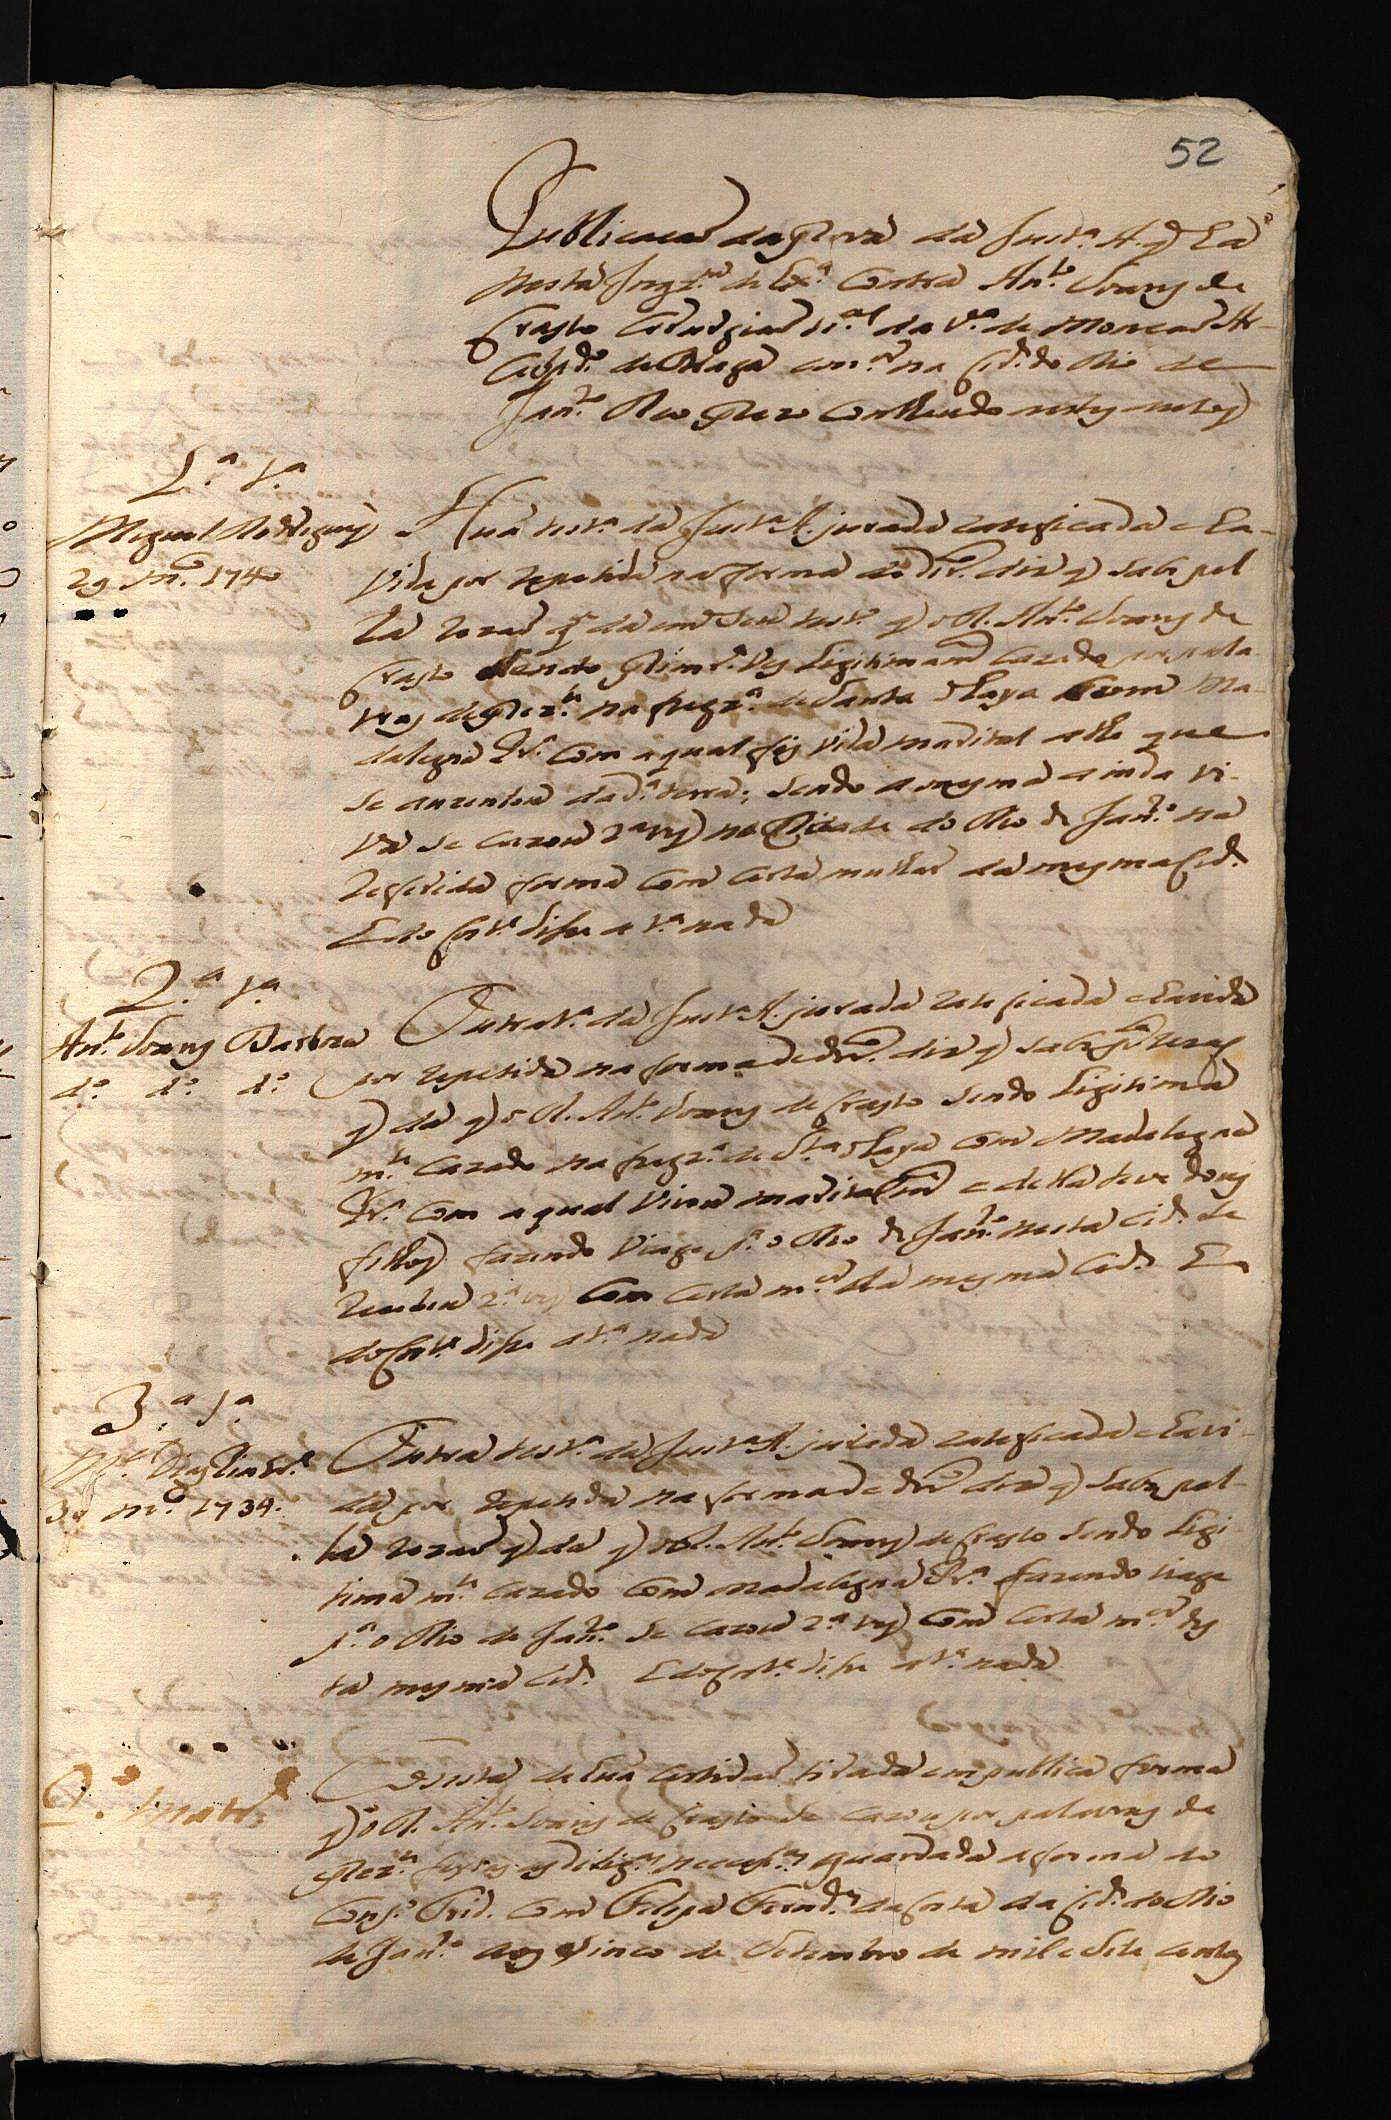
Publicaçaõ da prova da Just.a A. q̄ ha
nesta Inqz.m de lx.a contra An.to Soares de
Crasto Cirurgiaõ n.al da v.a de monçaõ Ar
Cebpd.o de Braga e m.or na Cid.e do Rio de
Jan.ro Reo pRezo contheudo nestes autos
Huā test.a da Justa A. jurada rateficada e ha
Miguel Rodrigues
Vida por repetida na forma do dir.to diz q̄ sabe pel
29 m.ço 1740
la Rezaõ q̄ da em seu test.o q̄ o R. An.to Soares de
Crasto sendo primr.a ves Legitimamte cazado por pala
vras de prez.te na fregz.a de Santa olaya Com Ma
dalegna Pr.a com a qual fes vida marital athe que
se auzentou da d.a terra; sendo a mesma ainda vi
va se cazou 2a ves na Cidade do Rio de Jan.ro na
Referida forma com certa mulhar da mesma Cid.e
E do Cost.e disse a t.a nada
Outra t.a da Just.a A. jurada Rateficada, e hauida
An.to Soares Barboza
por repetida na forma de dr.to diz q̄ sabe pla rezaꝭ
q̄ da q̄ o R. Ant.o Soares de Crasto sendo Ligitima
m.te cazado na fregz.a da S.ta olaya com madalegna
d.o
d.o
Pr.a com a qual viveu maritalmte e della teve dous
d.o
filhos fazendo viage p.a o Rio de Jan.ro nesta cid.e se
Recebeu 2.a ves Com certa m.er da mesma Cid.e E
do Cost.e disse a t.a nada
1.a t.a
3.a t.a
Outra test.a da Justa A. jurada rateficada e haui
M.a Dias Pinhr.a
da por Repetida na forma de drto diz q̄ sabe pel
30 m.ço 1734.
ha rezaõ q̄ da q̄ o R. Ant.o Soarez de Crasto sendo Ligi
timam.te cazado com madalegna Pr.a fazendo viage
p.a o Rio de Jan.ro se cazou 2.a ves Com Certa m.er des
ta mesma cid.e e do Cost.e disse a t.a nada
2.a t.a
Consta de huā certidaõ tirada em publica forma
2.o matr.o
q̄ o R. An.to Soares de Crasto se cazou por palavras de
prez.te feytas as dilig.as necces.as guardada a forma do
Cons.o Trid. Com Filipa Fernd.es da Costa da Cid.e do Rio
de Jan.ro aos Sinco de Setembro de mil e Setecentos
